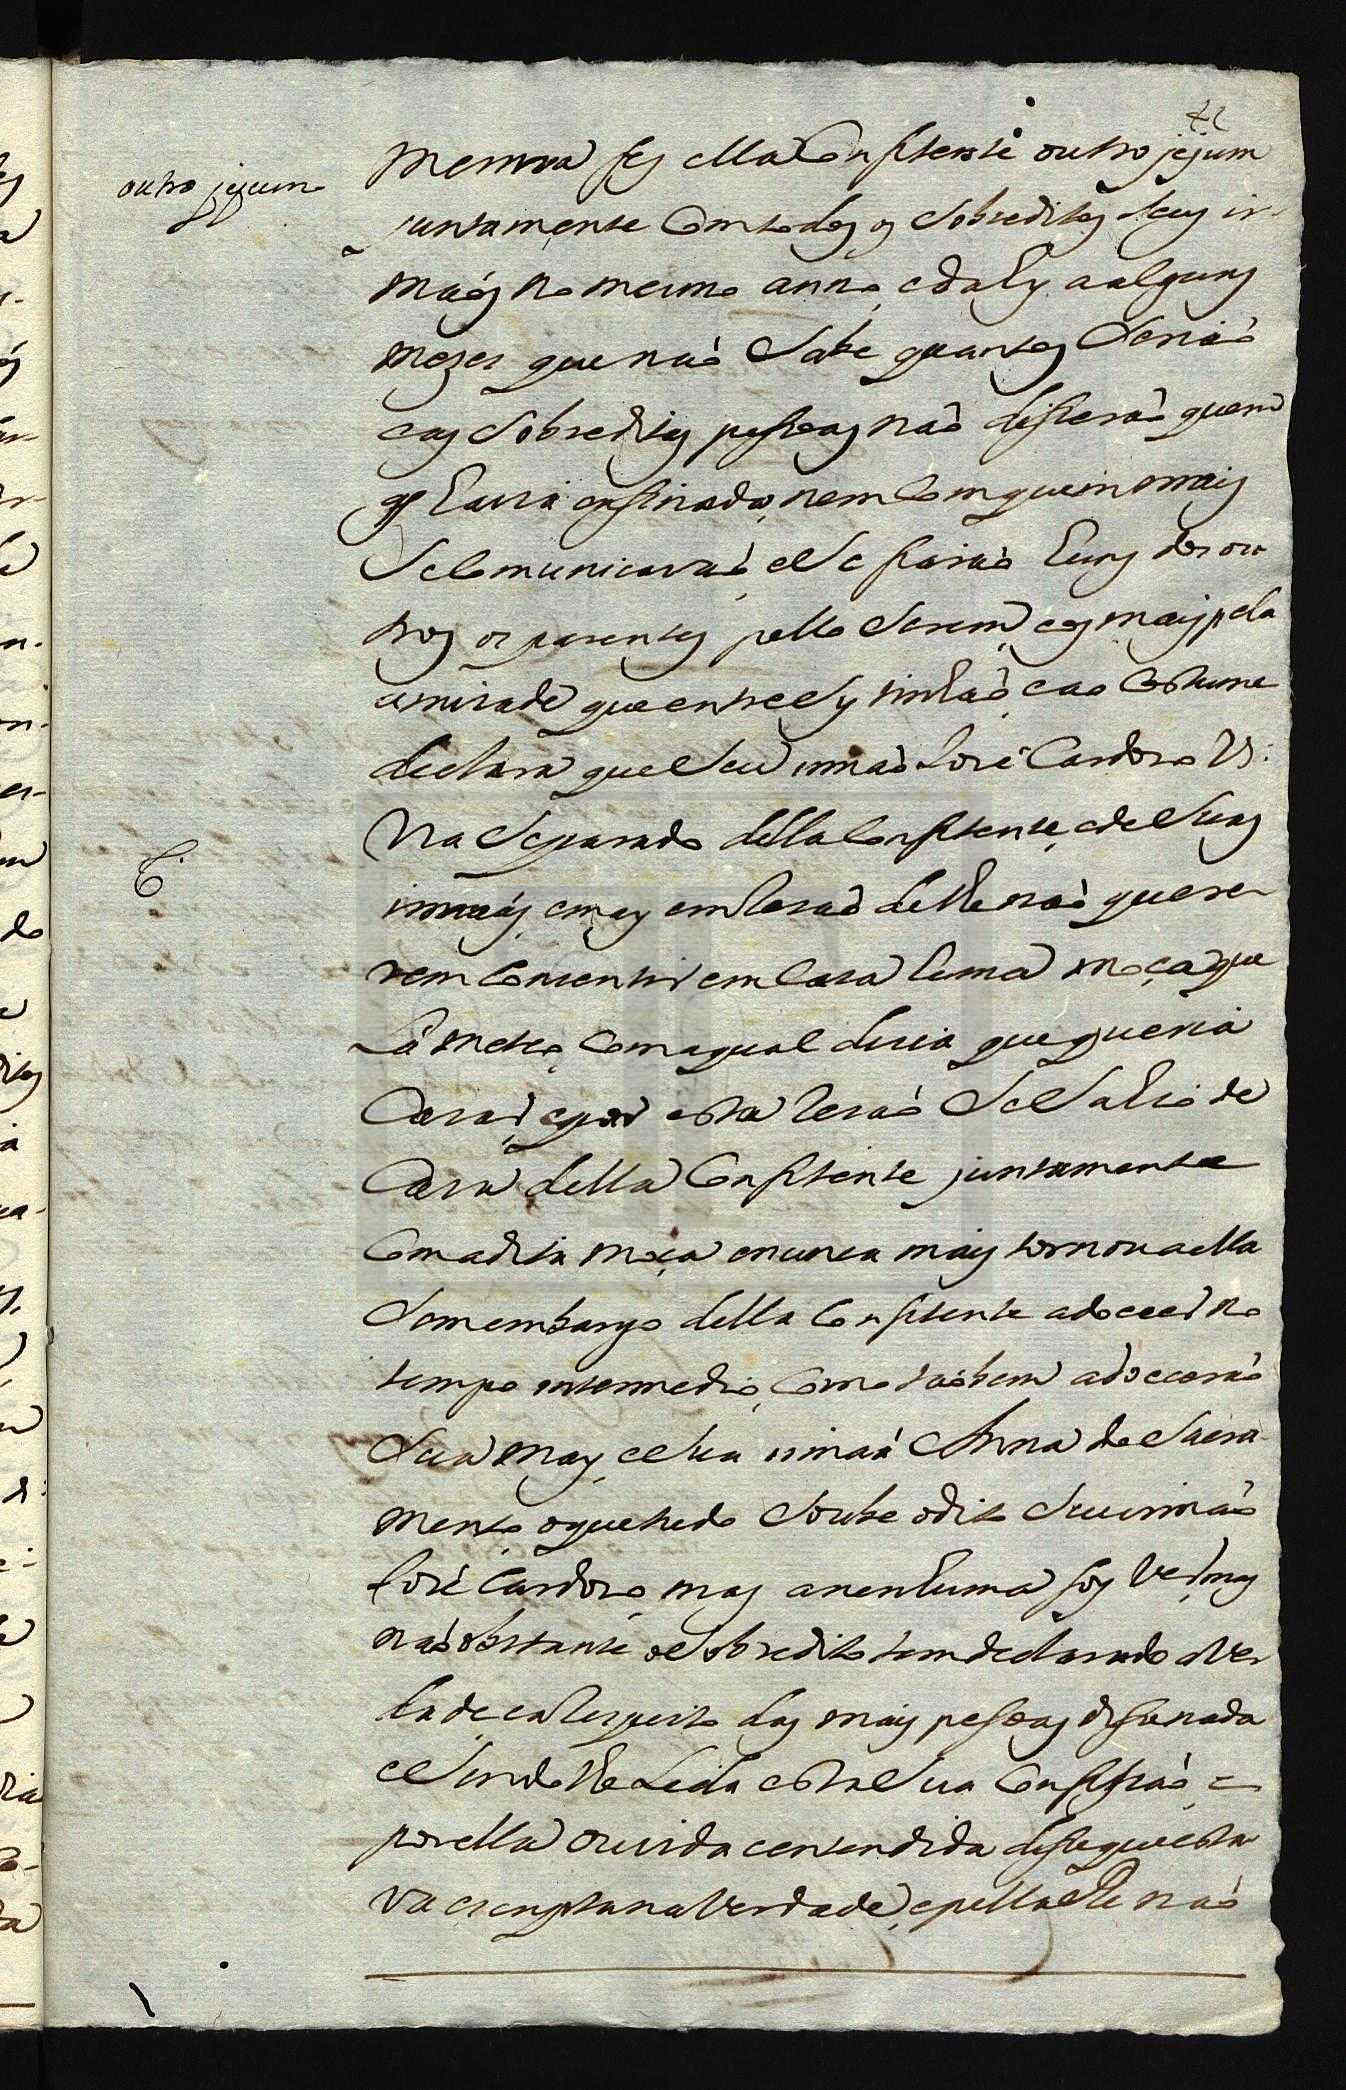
outro jejum
mesma fes ella Confitente outro jejum
juntamente com todos os sobreditos seus ir
maõs no mesmo anno, e dahy a alguns
mezes que naõ sabe quantos seriaõ
e as sobreditas pessoas naõ disseraõ quem
qas havia ensinado, nem com quem o mais
Se comunicavaõ e se fiaraõ huns dos ou
tros os parentes pello serem, e os mais pela
amizade que entre Sy tinhaõ, e ao costume
declara que seu irmaõ Iozé Cardoso Vi
via separado della confitente e de Suas
imaãs, e may em Razaõ de lhe naõ quere
rem consentir em caza huma moça que
Lá meteo, com a qual dizia que queria
cazar, e por esta Rezaõ se Sahio de
Caza della Confitente juntamente
Com a dita moça e nunca mais tornou a ella
Sem embargo della Confitente adoecer no
tempo intermedio, como taõbem adoeceraõ
Sua may, e Sua irmaã Anna de Sacra
mento, o que tudo soube o dito seu irmaõ
Iozé cardozo, mas a nenhuma foy Ver, mas
naõ obstante o sobredito tem declarado a ver
dade e a Respeito das mais pesoas disse nada
e Sendolhe Lida esta Sua confissaõ, e
por ella ouvida e entendida disse que esta
va escripta na Verdade, e pella Re naõ
